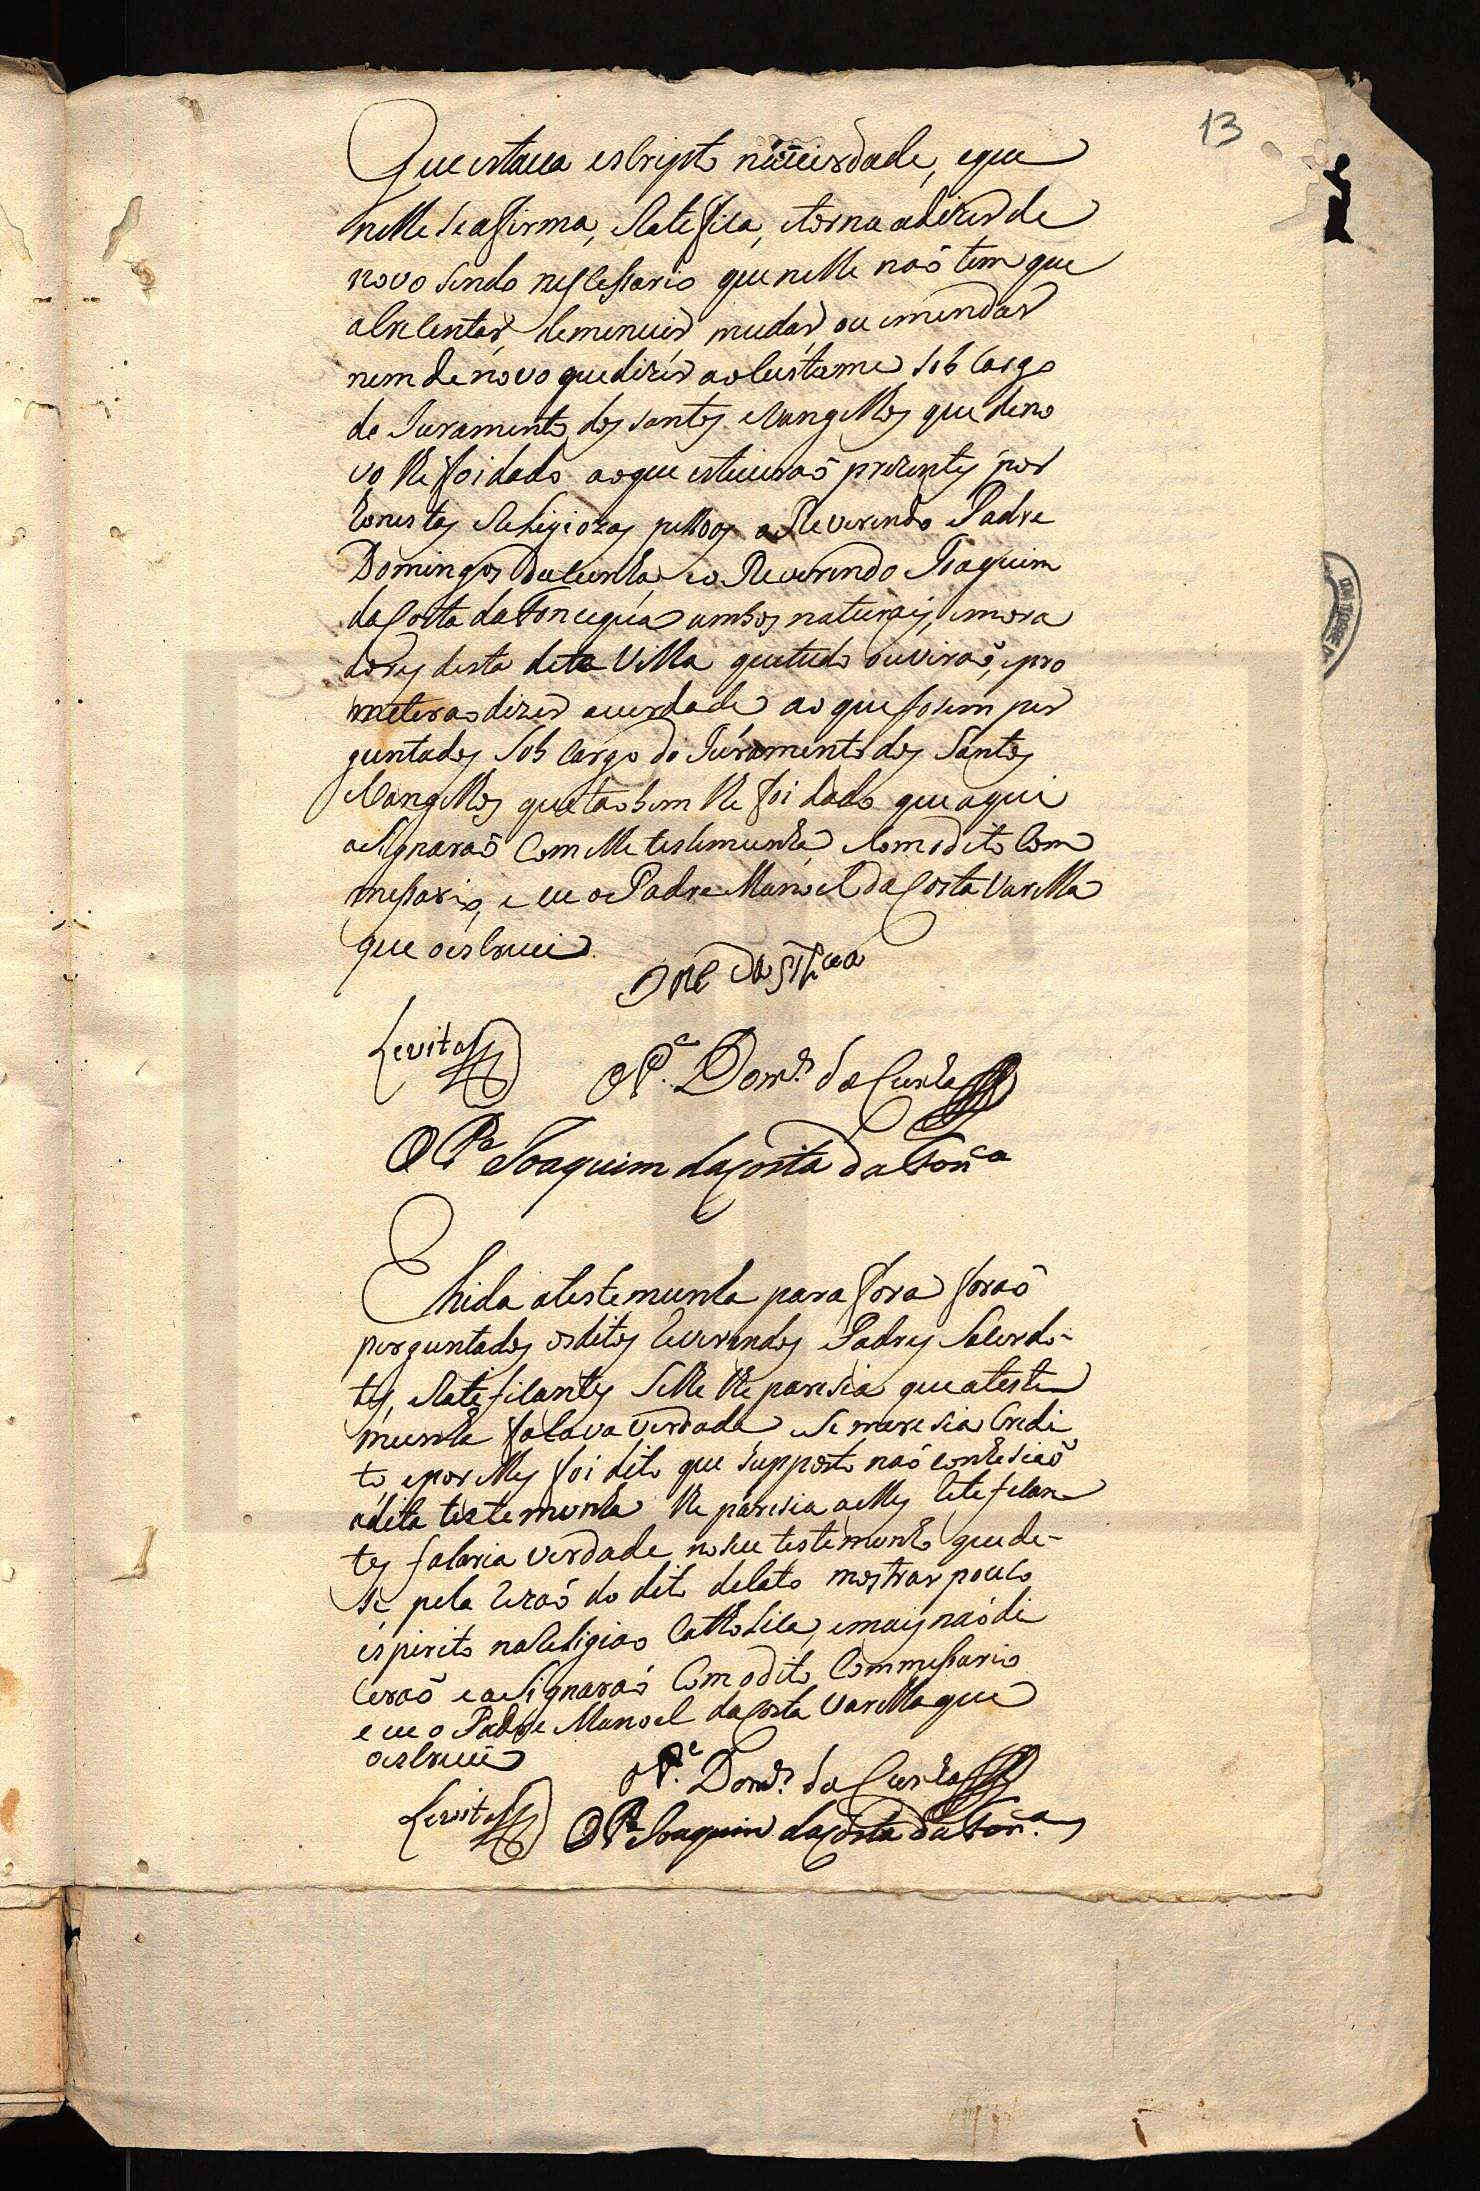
Que estaua esCripto na uerdade, e que
nelle se afirma, Ratefica, e torna a dizer de
novo sendo nescessario que nelle naõ tem que
aCreCentar, deminuir, mudar, ou emendar
nem de novo que dizér ao Custume sob cargo
do Juramento dos santos evangelhos que de no
vo lhe foi dado ao que estiueraõ prezentes por
honestas e religiozas pessoas o Reverendo Padre
Domingos da cunha, e o Reverendo Joaquim
da Costa da Foncequa ambos naturais, e mora
dores desta dita Villa que tudo ouviraõ, e pro
meterao dizer a uerdade, ao que fosem per
guntados sob cargo do Iuramento dos Santos
eVangelhos que taobem lhe foi dado que aqui
asignaraõ com elle testemunha, e com o dito Com
missario, e eu o Padre Manoel da Costa Varella
que o esCreui
Joze da Silua
Levita
O P.e Dom.os da Cunha
O Pe Joaquim da Costa da Fonca
E hida a testemunha para fora foraõ
perguntados os ditos Reverendos Padres Sacerdo
tes, e Rateficantes se lhe lhe paresia que a teste
munha falava verdade e se meresia Credi
to, e por elles foi dito que supposto naõ conhesiaõ
a dita testemunha lhe paresia a elles Retefican
tes falaria verdade no seu testemunho que di
se, pela Rezaõ do dito delato mostrar pouco
espirito na Religiao Catholica, e mais naõ di
ceraõ e asignaraõ Com o dito Commissario
e eu o Padre Manoel da Costa Varella que
o esCreui
o P.e Dom.os da Cunha
Levita
O Pe Joaquim da Costa da Fon.ca
